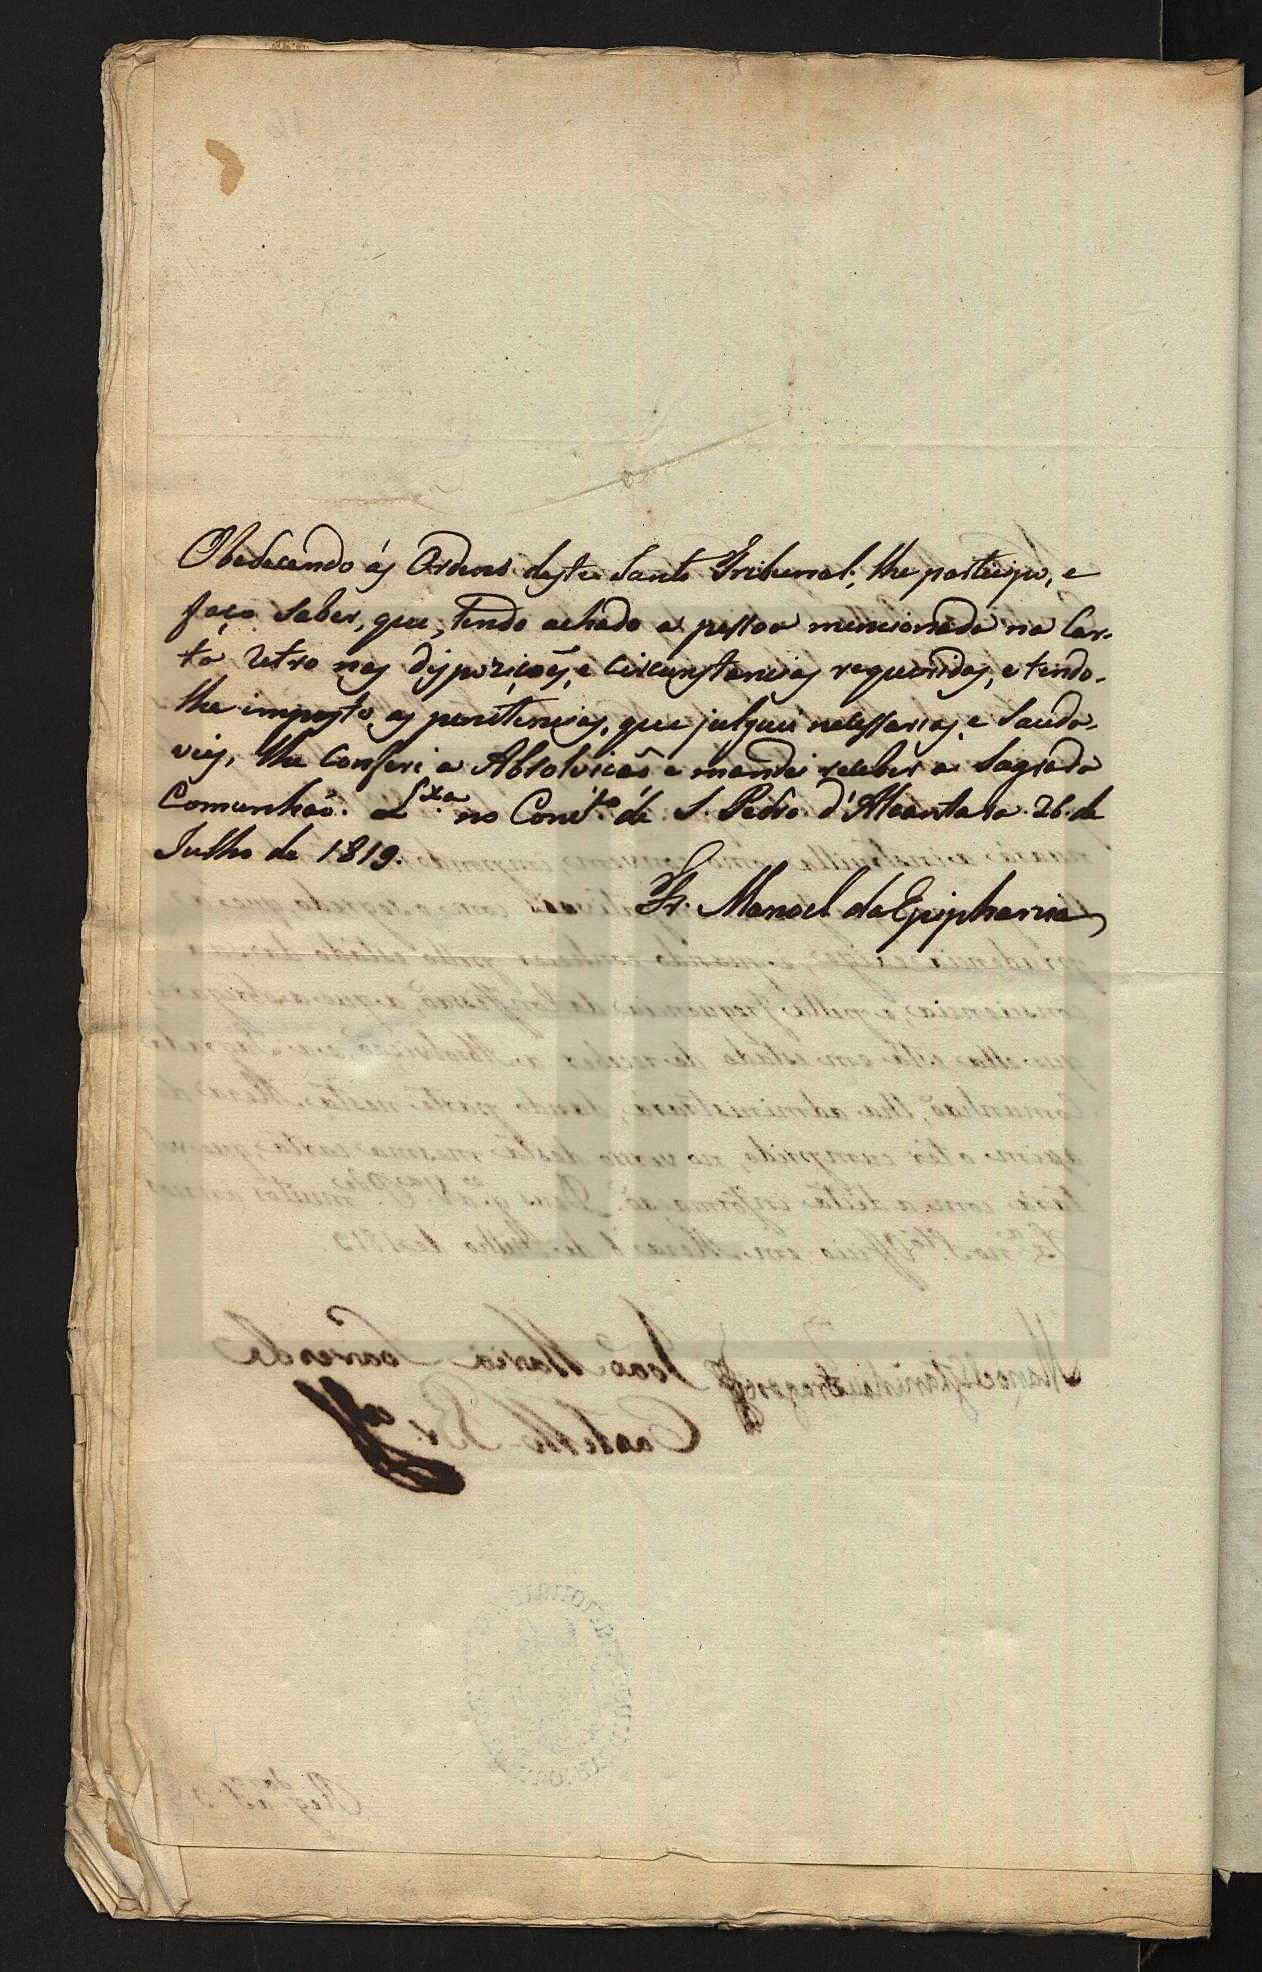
Obedecendo às Ordens deste Santo Tribunal; lhe participo, e
faço saber, que, tendo achado a pessoa mencionada na Car
ta Retro nas dispoziçoẽs, e circunstancias requeridas, e tendo
lhe imposto a penitencias, que julguei necessarias, e sauda
veis, lhe conferi a Absolviçaõ, e mandei receber a Sagrada
Comunhaõ. L.xa no Convt.o de S. Pedro d'Alcantara .26. de
Iulho de 1819.
Fr. Manoel da Epiphania
